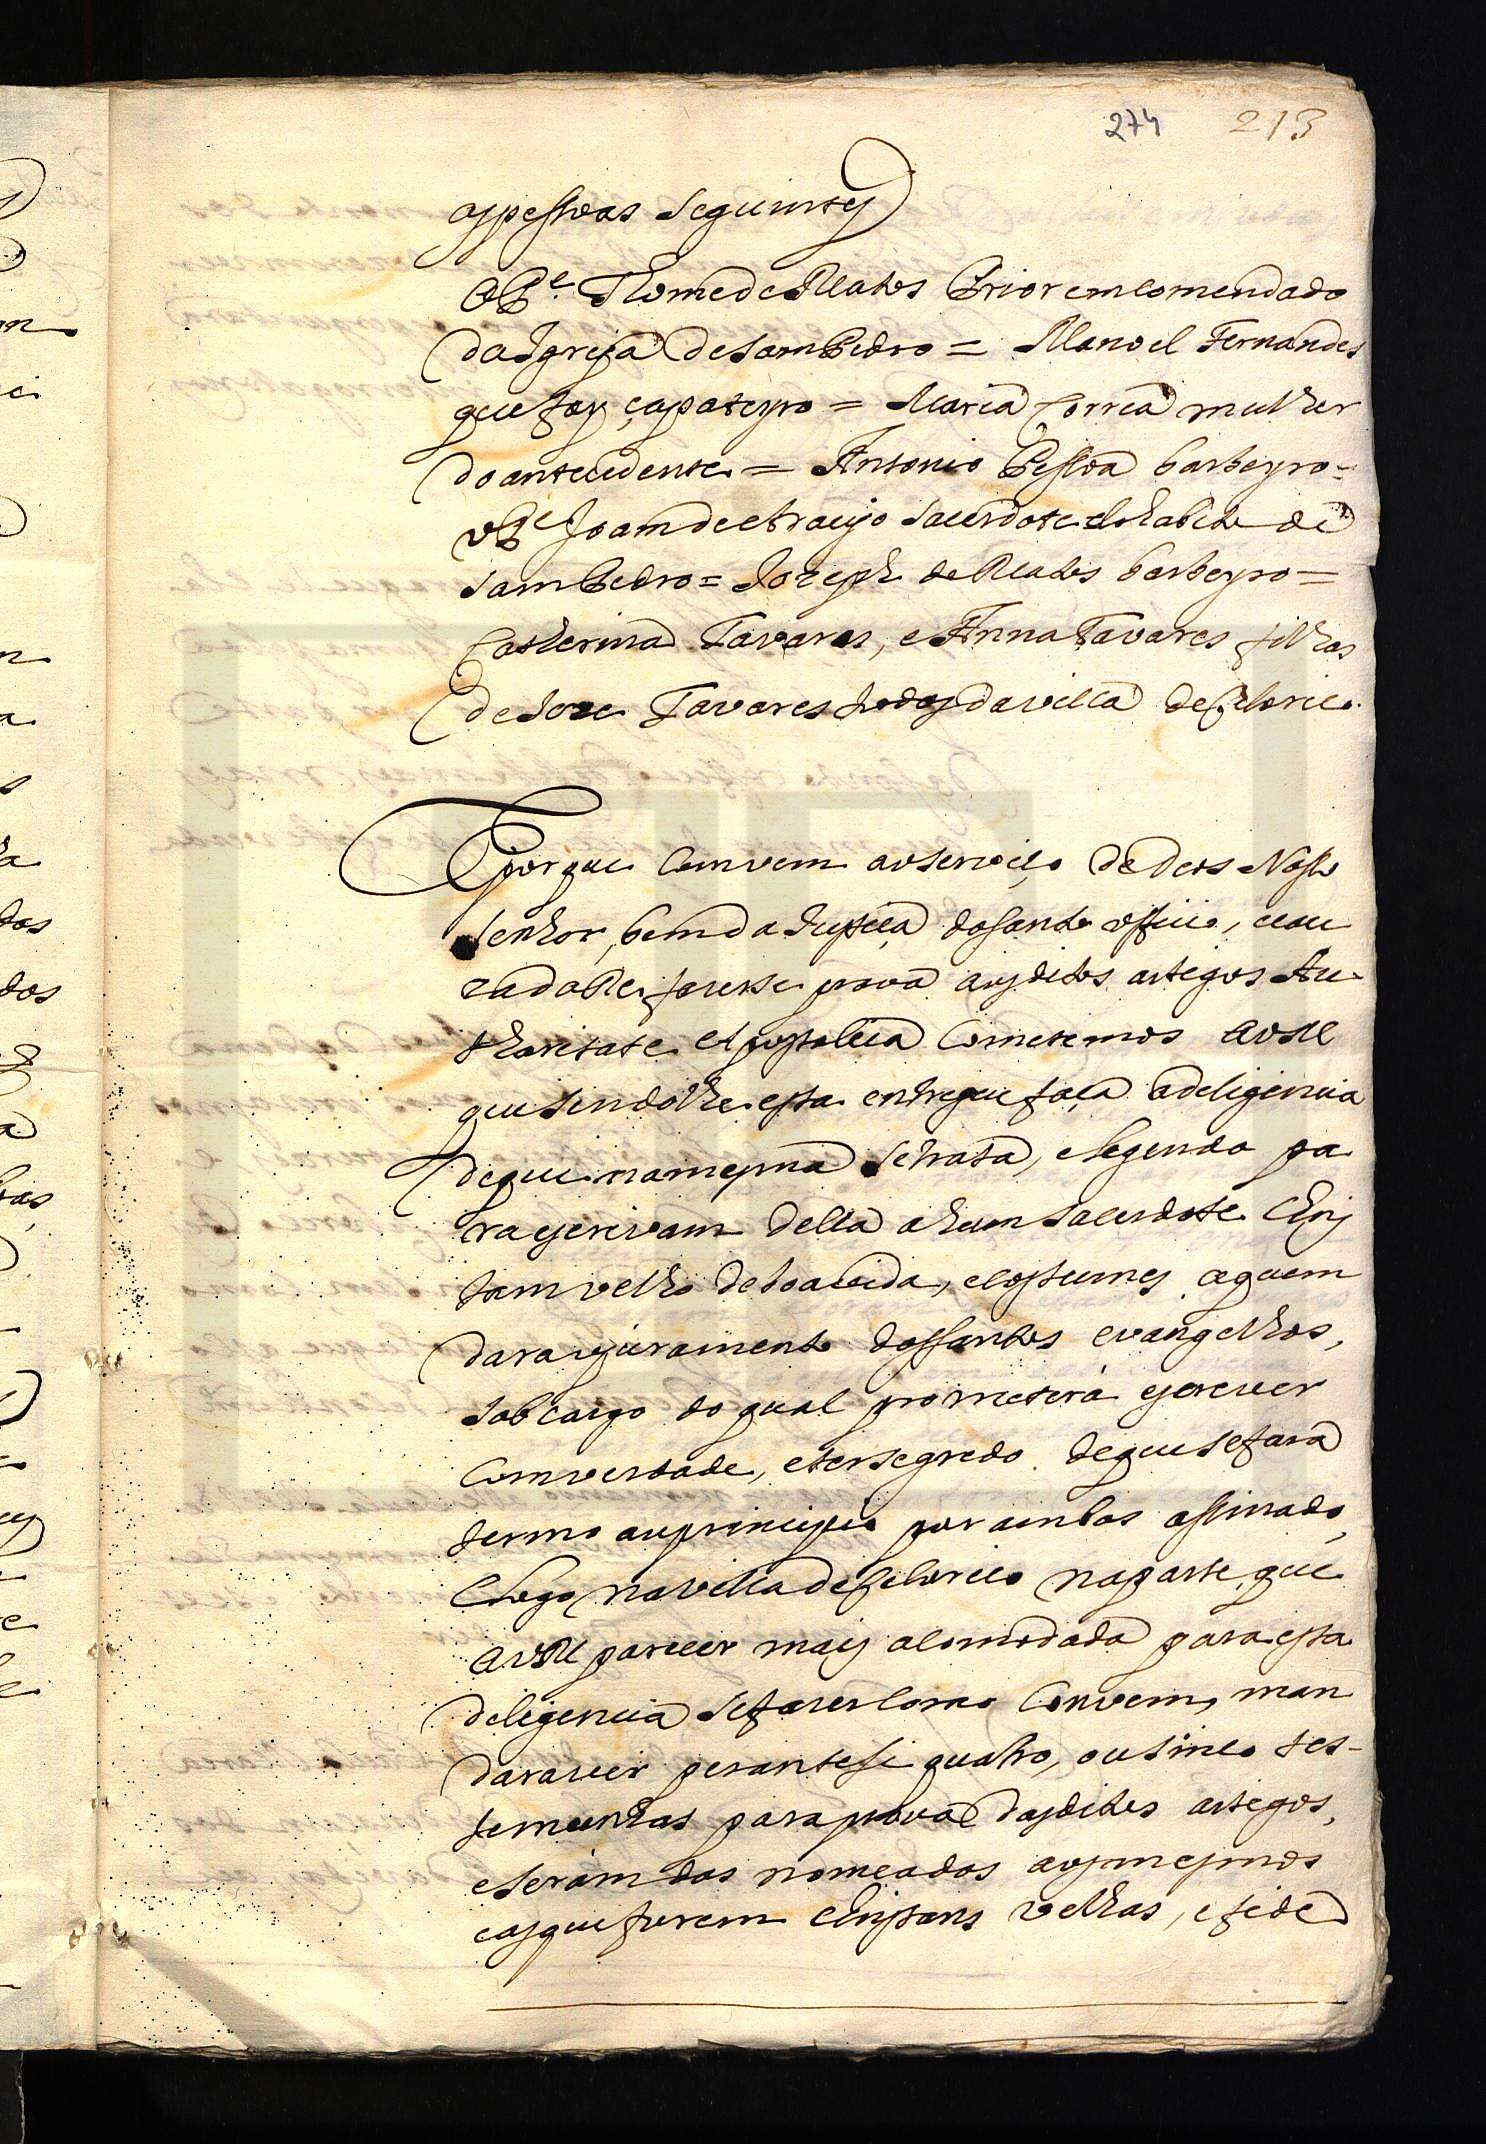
213
as pessoas seguintes
o P.e Thome de Matos Prior emcomendado
da Igreja de sam Pedro = Manoel Fernandes
que foy çapateyro = Maria Correa mulher
do antecedente = Antonio Pessoa barbeyro =
o Pe Joam de Araujo sacerdote do habito de
sam Pedrov= Iozeph de Matos barbeyro =
Catherina Tavares, e Anna Tavares filhas
de Ioze Tavares todos da villa de Celorico.
E porque comvem ao serviço de deos Nosso
senhor, bem da Iustiça do santo officio, cau
za da Re fazerse prova aos ditos artigos Au
thoritate Apostolica Cometemos a VM
que sendolhe esta entregue faça a deligencia
de que na mesma se trata, elegendo pa
ra escrivam della a hum sacerdote chris
tam velho de boa vida, e costumes a quem
dara o juramento dos santos evangelhos,
sob cargo do qual prometerá escreuer
com verdade, e ter segredo de que se fara
termo ao principio por ambos assinado,
e Logo na villa de Celorico na parte, que
a VM parecer mais acomodada para esta
deligencia se fazer como convem, man
dara vir perante si quatro, ou sinco tes
temunhas para prova dos ditos artigos,
e seram das nomeadas aos mesmos
e as que forem christans velhas, e fide
